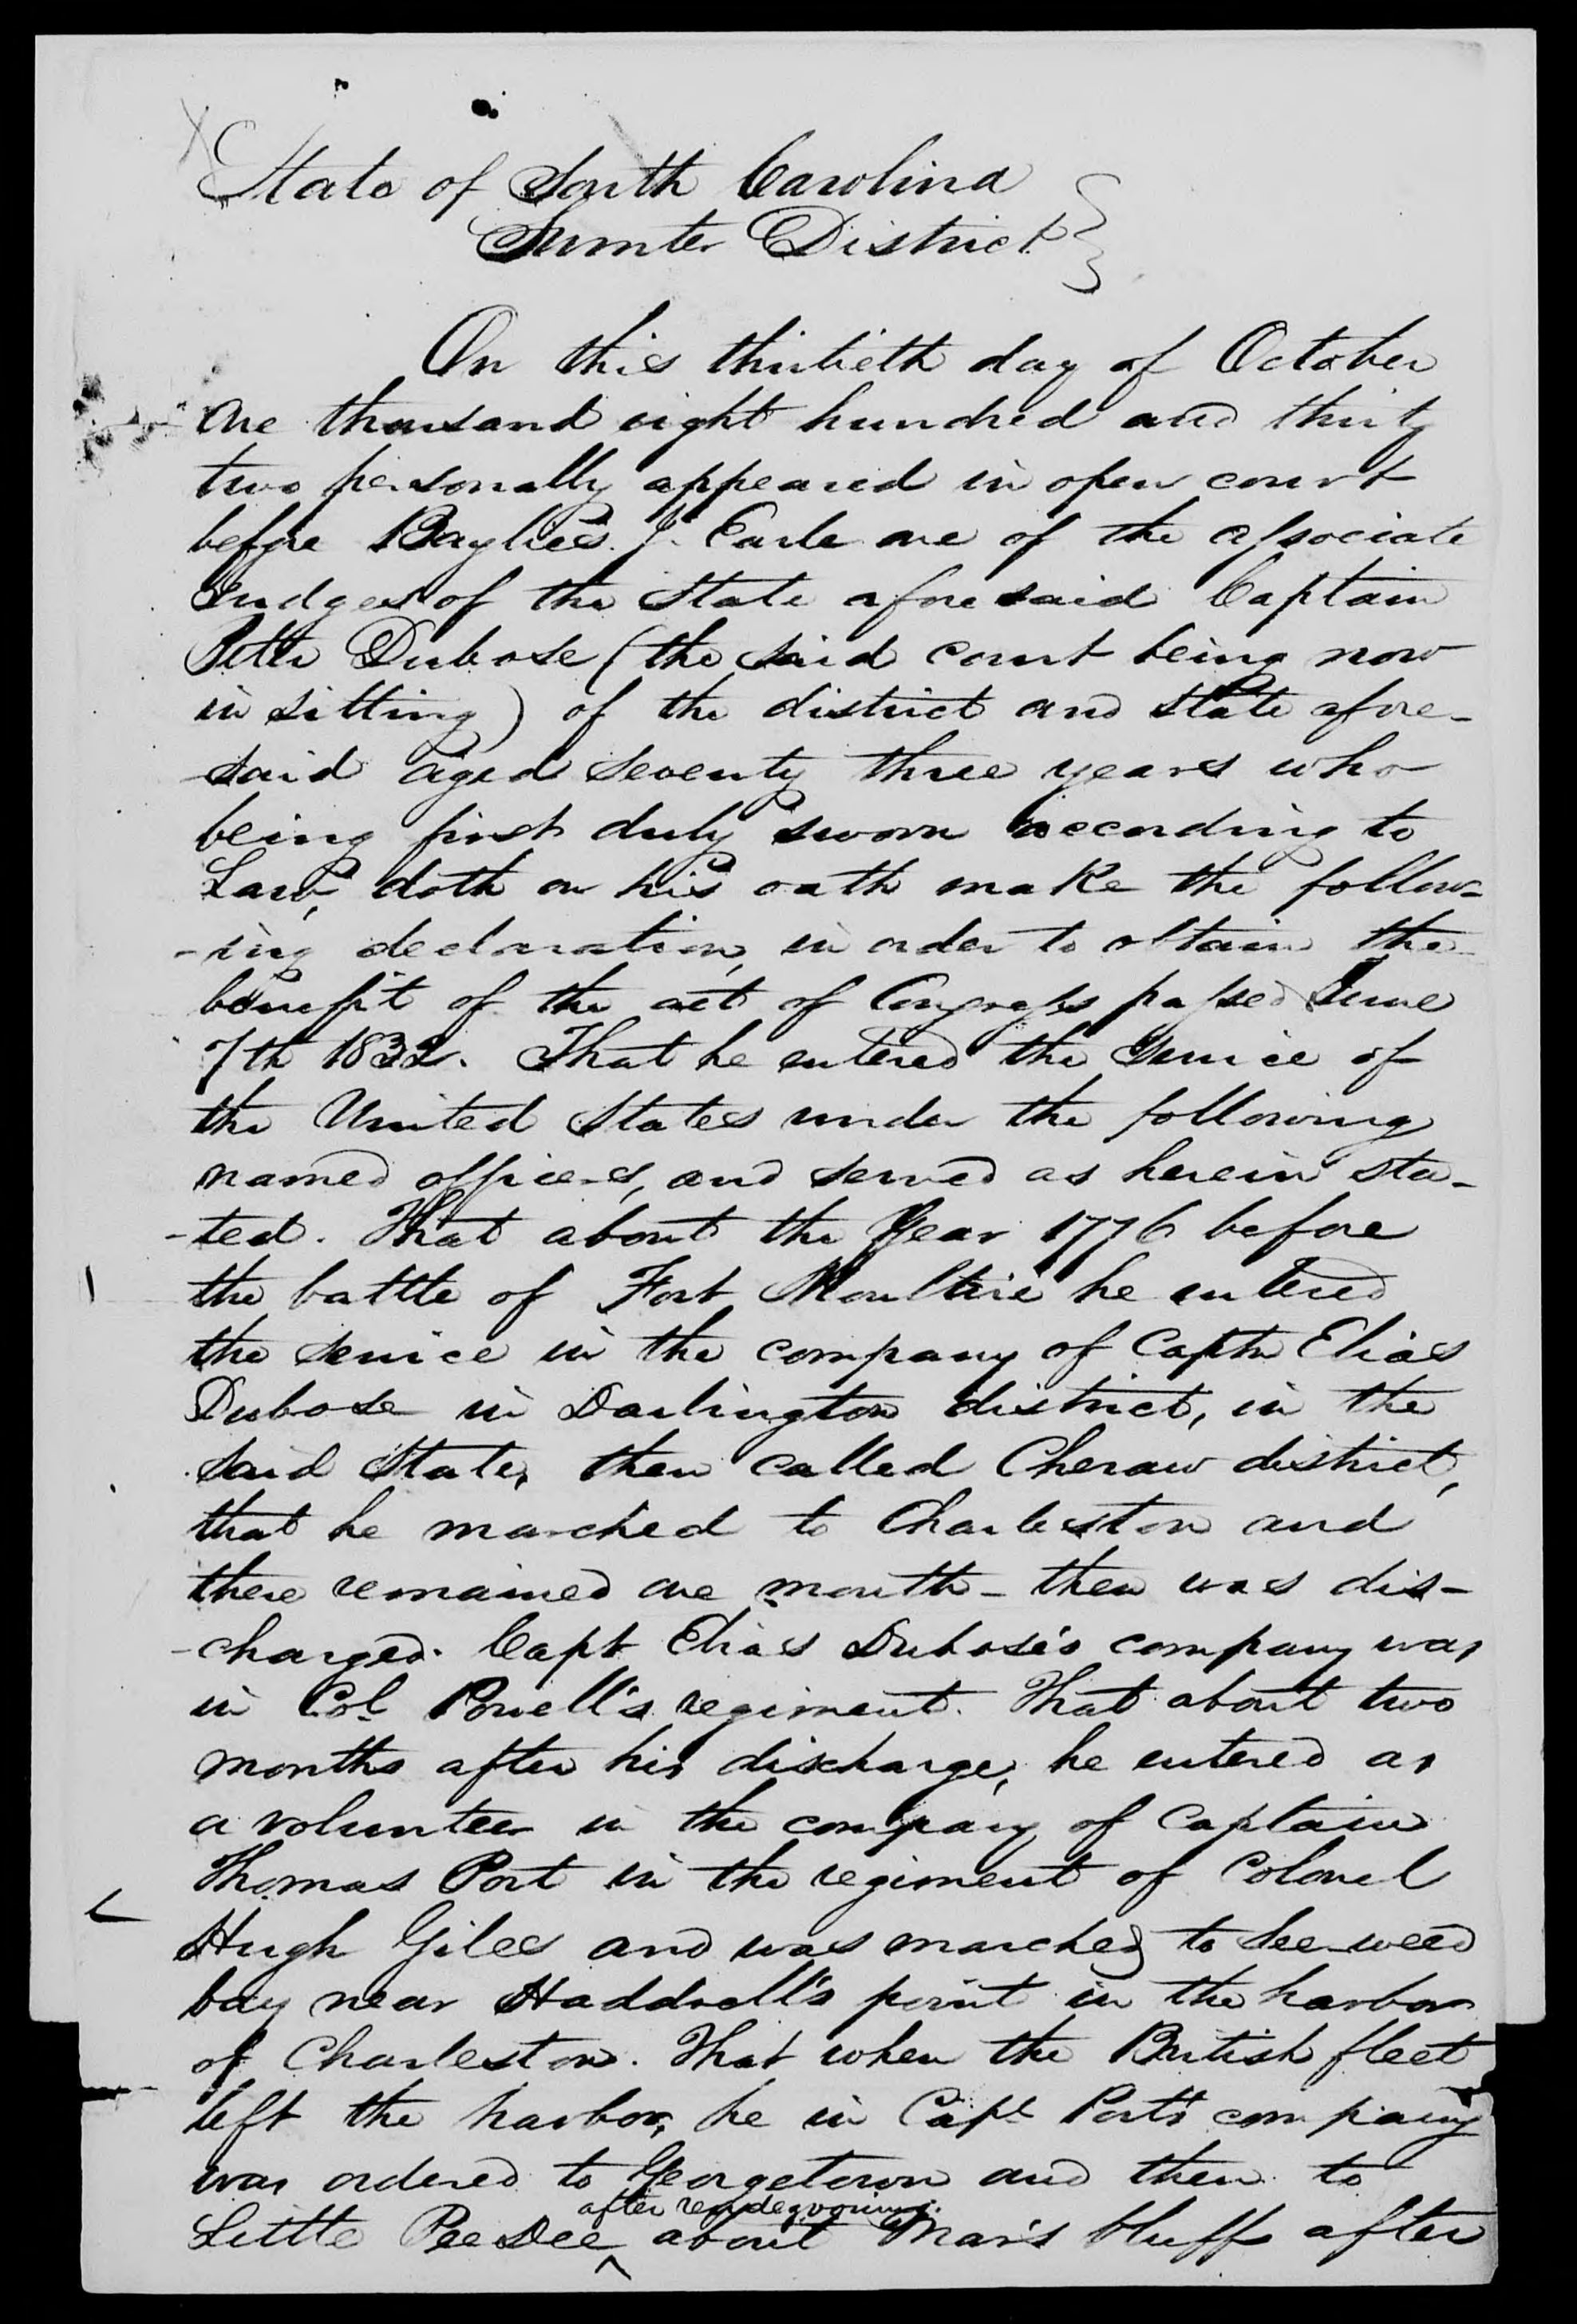[ State of South Carolina Sumter District ] On this thirtieth day of October  one thousand eight hundred and thirty two personally  appeared in open Court  before Baylies J Earle  one of the associate Judges of the State aforesaid  Captain Peter Dubose ( the said Court being now in sitting ) of the district and State aforesaid  aged seventy three years who being first duly sworn  according to law doth on his oath make the following declaration in order to obtain the benefit of the Act of Congress passed June 7th 1832. That he entered the service of the United States under the following named officers and served as herein stated. That about  the year 1776  before the battle of Fort Moultrie  he entered the service in the company of Capt. Elias  Dubose in Darlington District in the said State then called Cheraw District , that he marched to Charleston and there remained one month - then was discharged. Capt. Elias Dubose's company was in Col. Powell's regiment  . That about  two months after his discharge he entered as a volunteer in the company of Captain Thomas Port in the regiment of Colonel Hugh Giles and was marched to Seeweed bay  near  Haddrill's point in the harbor of Charleston. That when the British fleet left the harbor , he in Capt. Port's company was ordered to  Georgetown and then to Little PeeDee after rendezvousing  about Mar's bluff after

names: Thomas Port, Hugh Giles, Peter Dubose, Elias Dubose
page: 7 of 43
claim: survivor's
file: S. 21163, Peter Dubose, S.C.